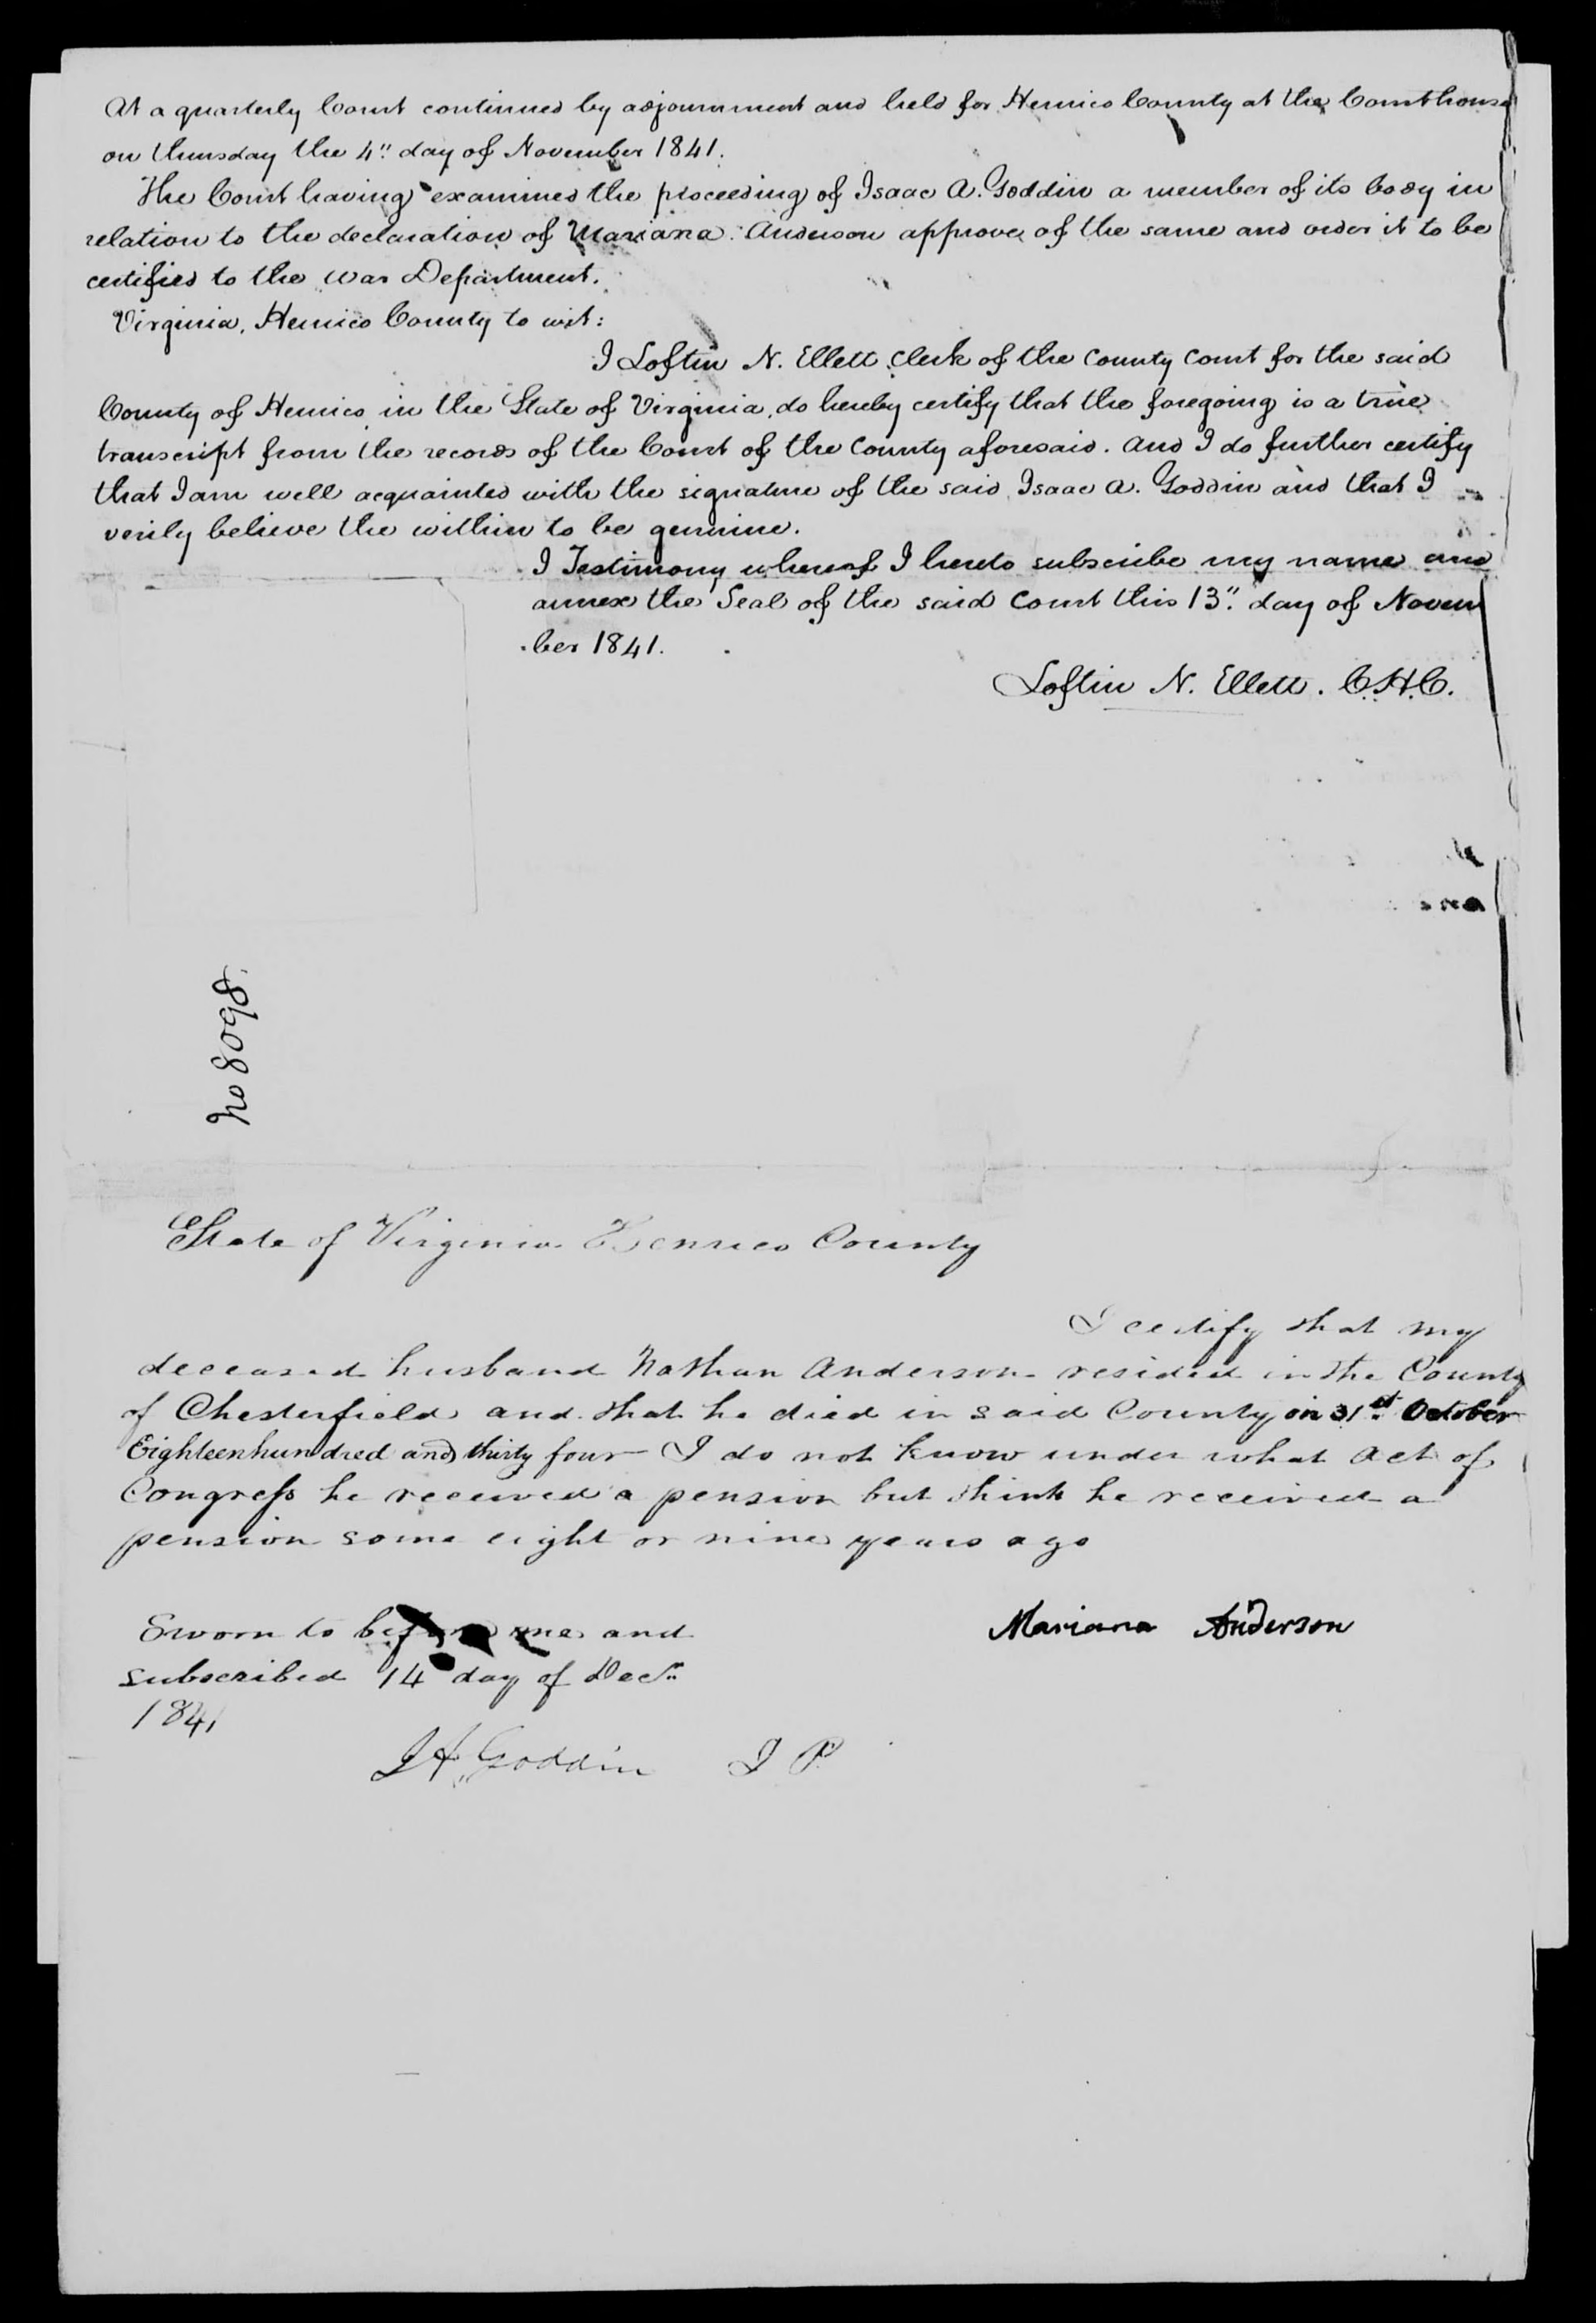At a quarterly Court continued by adjournment and held for Henrico County at the Courthouse on thursday the 4" day of November 1841.
The Court having examined the proceeding of Isaac A. Goddin a member of its body in relation to the declaration of Mariana Anderson approve of the same and order it to be certified to the War Department.
Virginia, Henrico County to wit:
I Loftin N. Ellett Clerk of the County Court for the said County of Henrico in the State of Virginia, do hereby certify that the foregoing is a true transcript from the records of the Court of the County aforesaid. And I do further certify that I am well acquainted with the signature of the said Isaac A. Goddin and that I verily believe the within to be genuine.
I Testimony whereof I hereto subscribe my name and annex the Seal of the said Court this 13" day of November 1841.
Loftin N. Ellett. C.H.C.

No 8098

State of Virginia Henrico County
I certify that my deceased husband Nathan Anderson resided in the County of Chesterfield and that he died in said County on 31st October Eighteen hundred and thirty four I do not know under what Act of Congress he received a pension but think he received a pension some eight or nine years ago
Mariana Anderson
Sworn to before me and subscribed 14 day of Decr. 1841
J A. Goddin J. P.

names: Loftin N Ellett, Isaac A Goddin, J A Goddin, Loftin N Ellett, Mariana Anderson, Nathan Anderson, Isaac A Goddin, Mariana Anderson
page: 12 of 43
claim: widow's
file: W. 5,626, Nathan Anderson, Va.